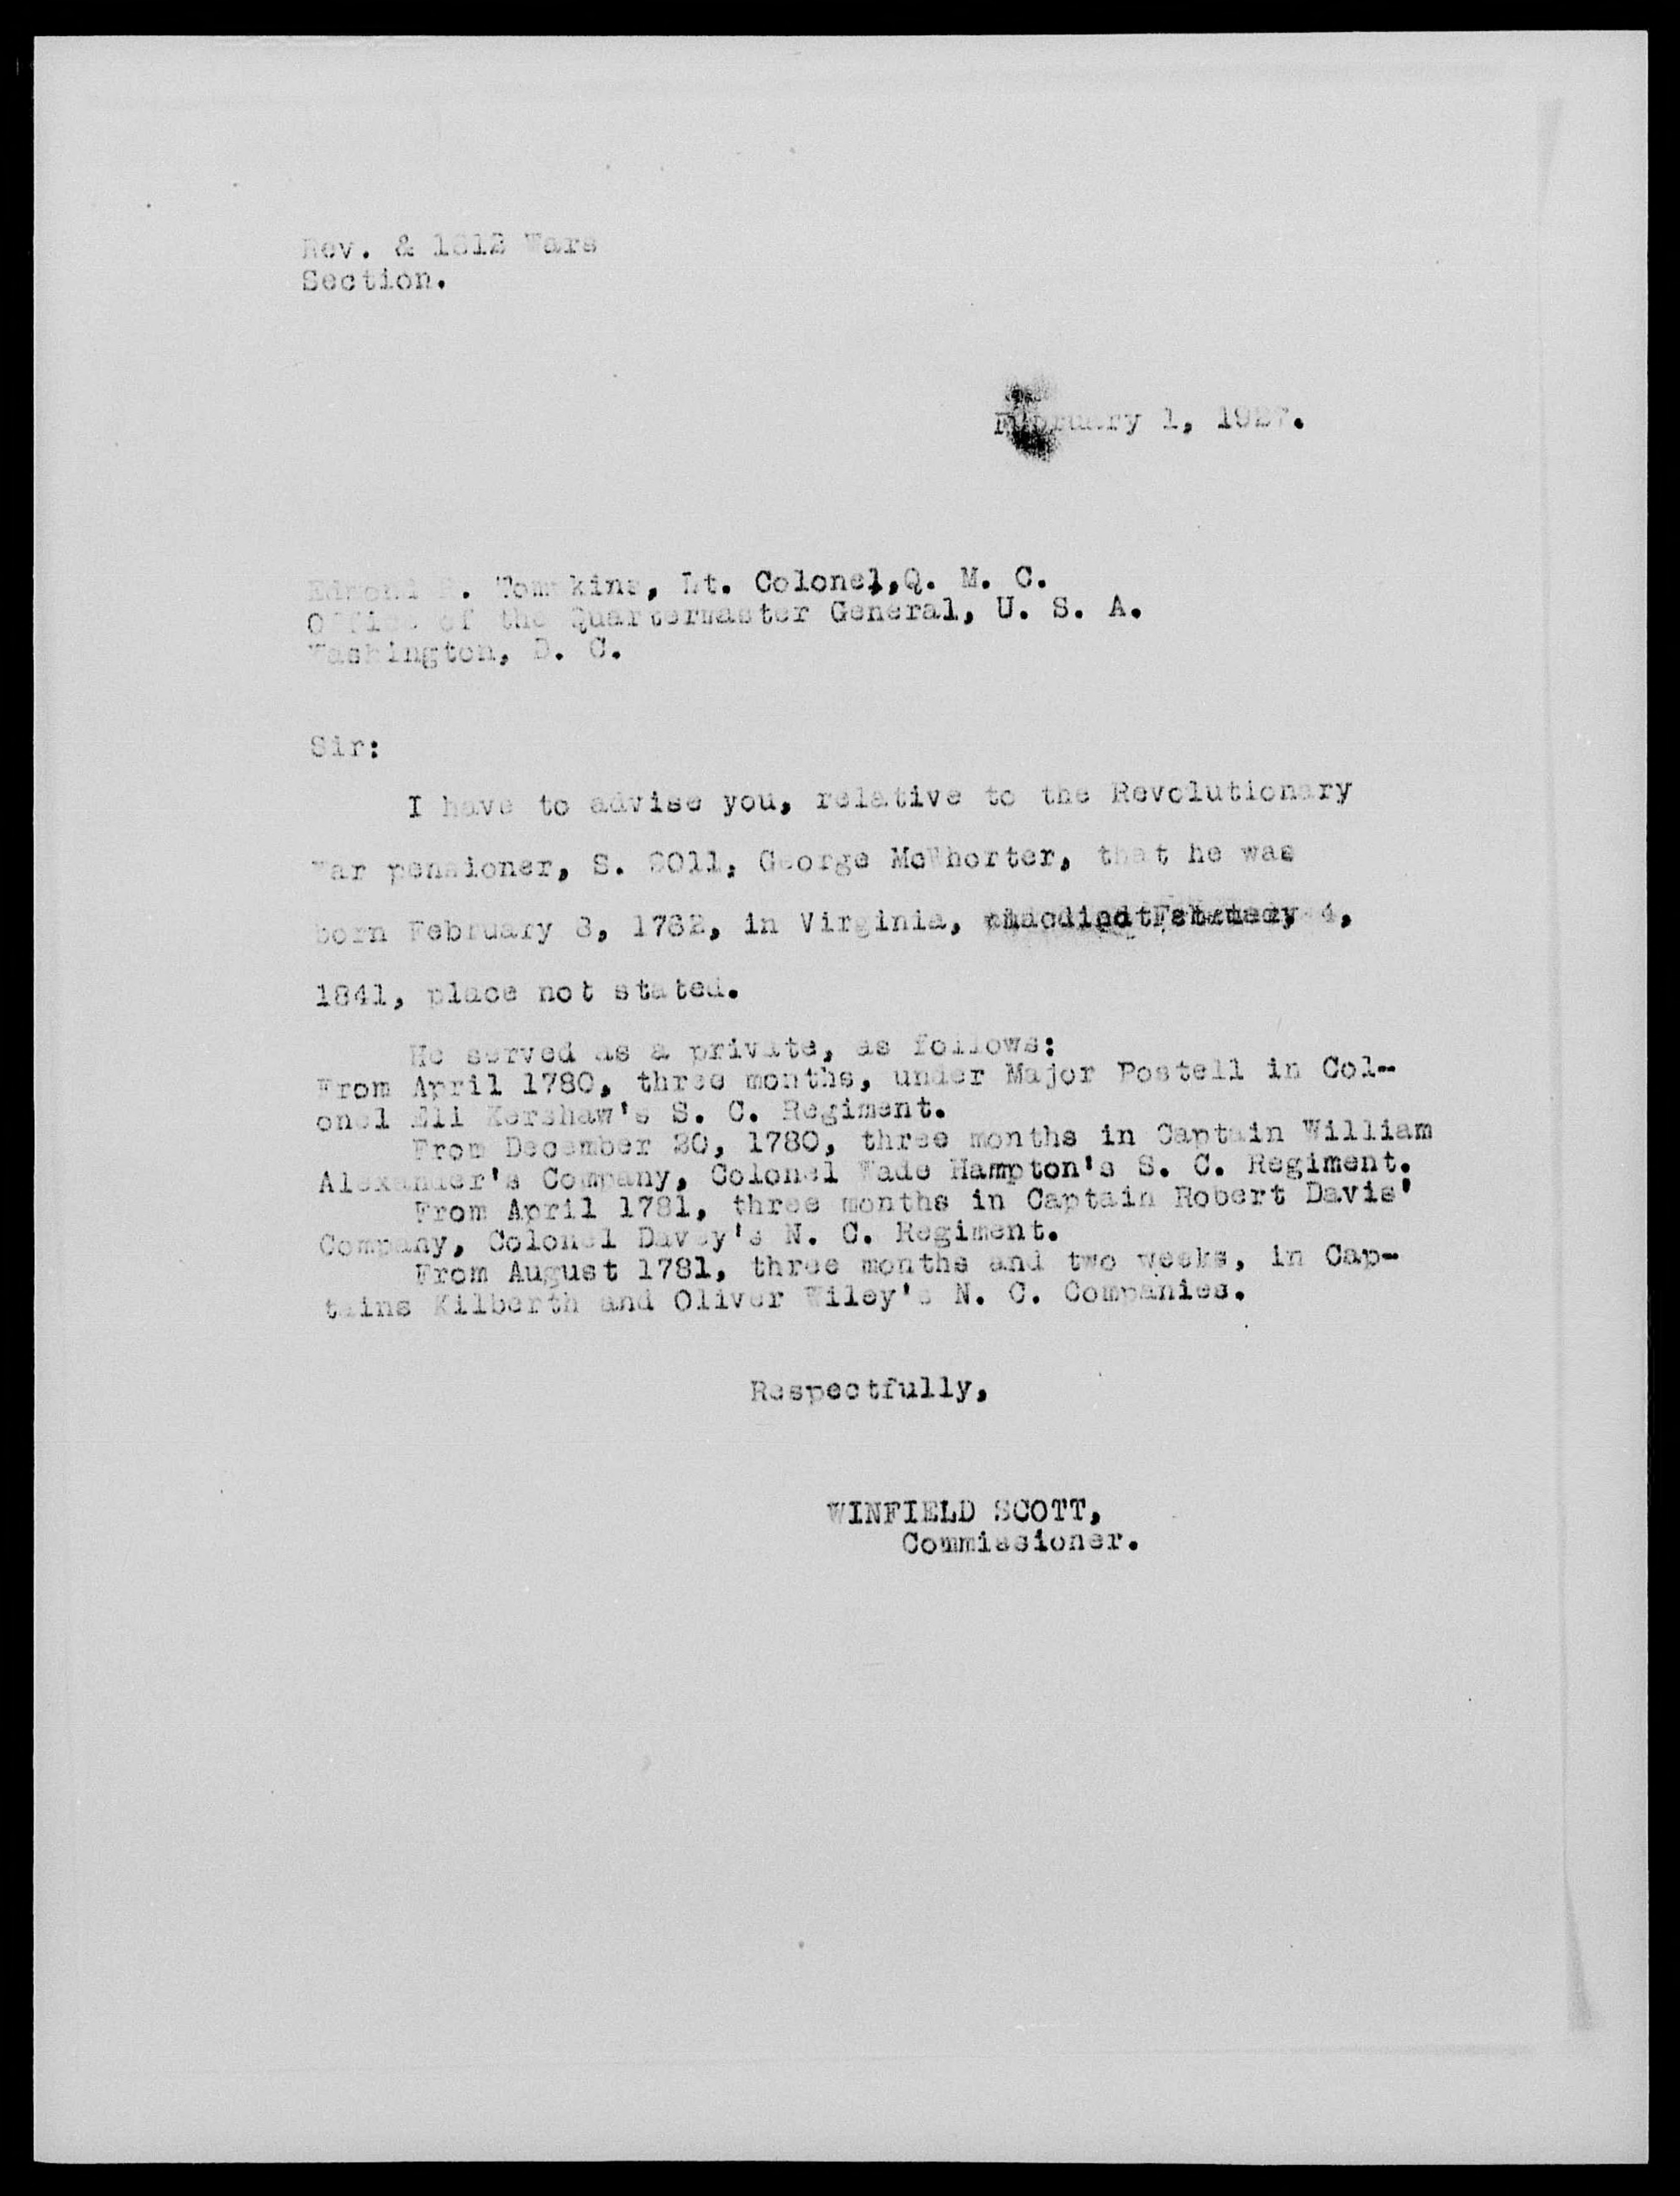Rev. & 1812 Wars
Section.
kins, Lt. Colonel, Q.M.C.
of the quartermaster General, U. S. A.
Washington, D. C.
Sir:
I have to advise you, relative to the Revolutionary War
pensioner, S. 2011, George McWhorter, that he was
born February 3, 1752, in Virginia, said they
1841, place not stated.
He served as a private, as follows:
From April 1780, three months, under Major Postell in Colonel
Eli Kershaw's S. C. Regiment.
From December 30, 1780, three months in Captain William
Alexander's Company, Colonel Wade Hampton's S. C. Regiment.
From April 1781, three months in Captain Robert Davis'
Company, Colonel Davey's N. C. Regiment.
From August 1781, three months and two weeks in Captains
Kilberth and Oliver Wiley's N. C. Companies.
Respectfully,
WINFIELD SCOTT,
Commissioner.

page: 32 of 35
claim: survivor's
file: S. 9,011, for George Mc Whorter, North Carolina